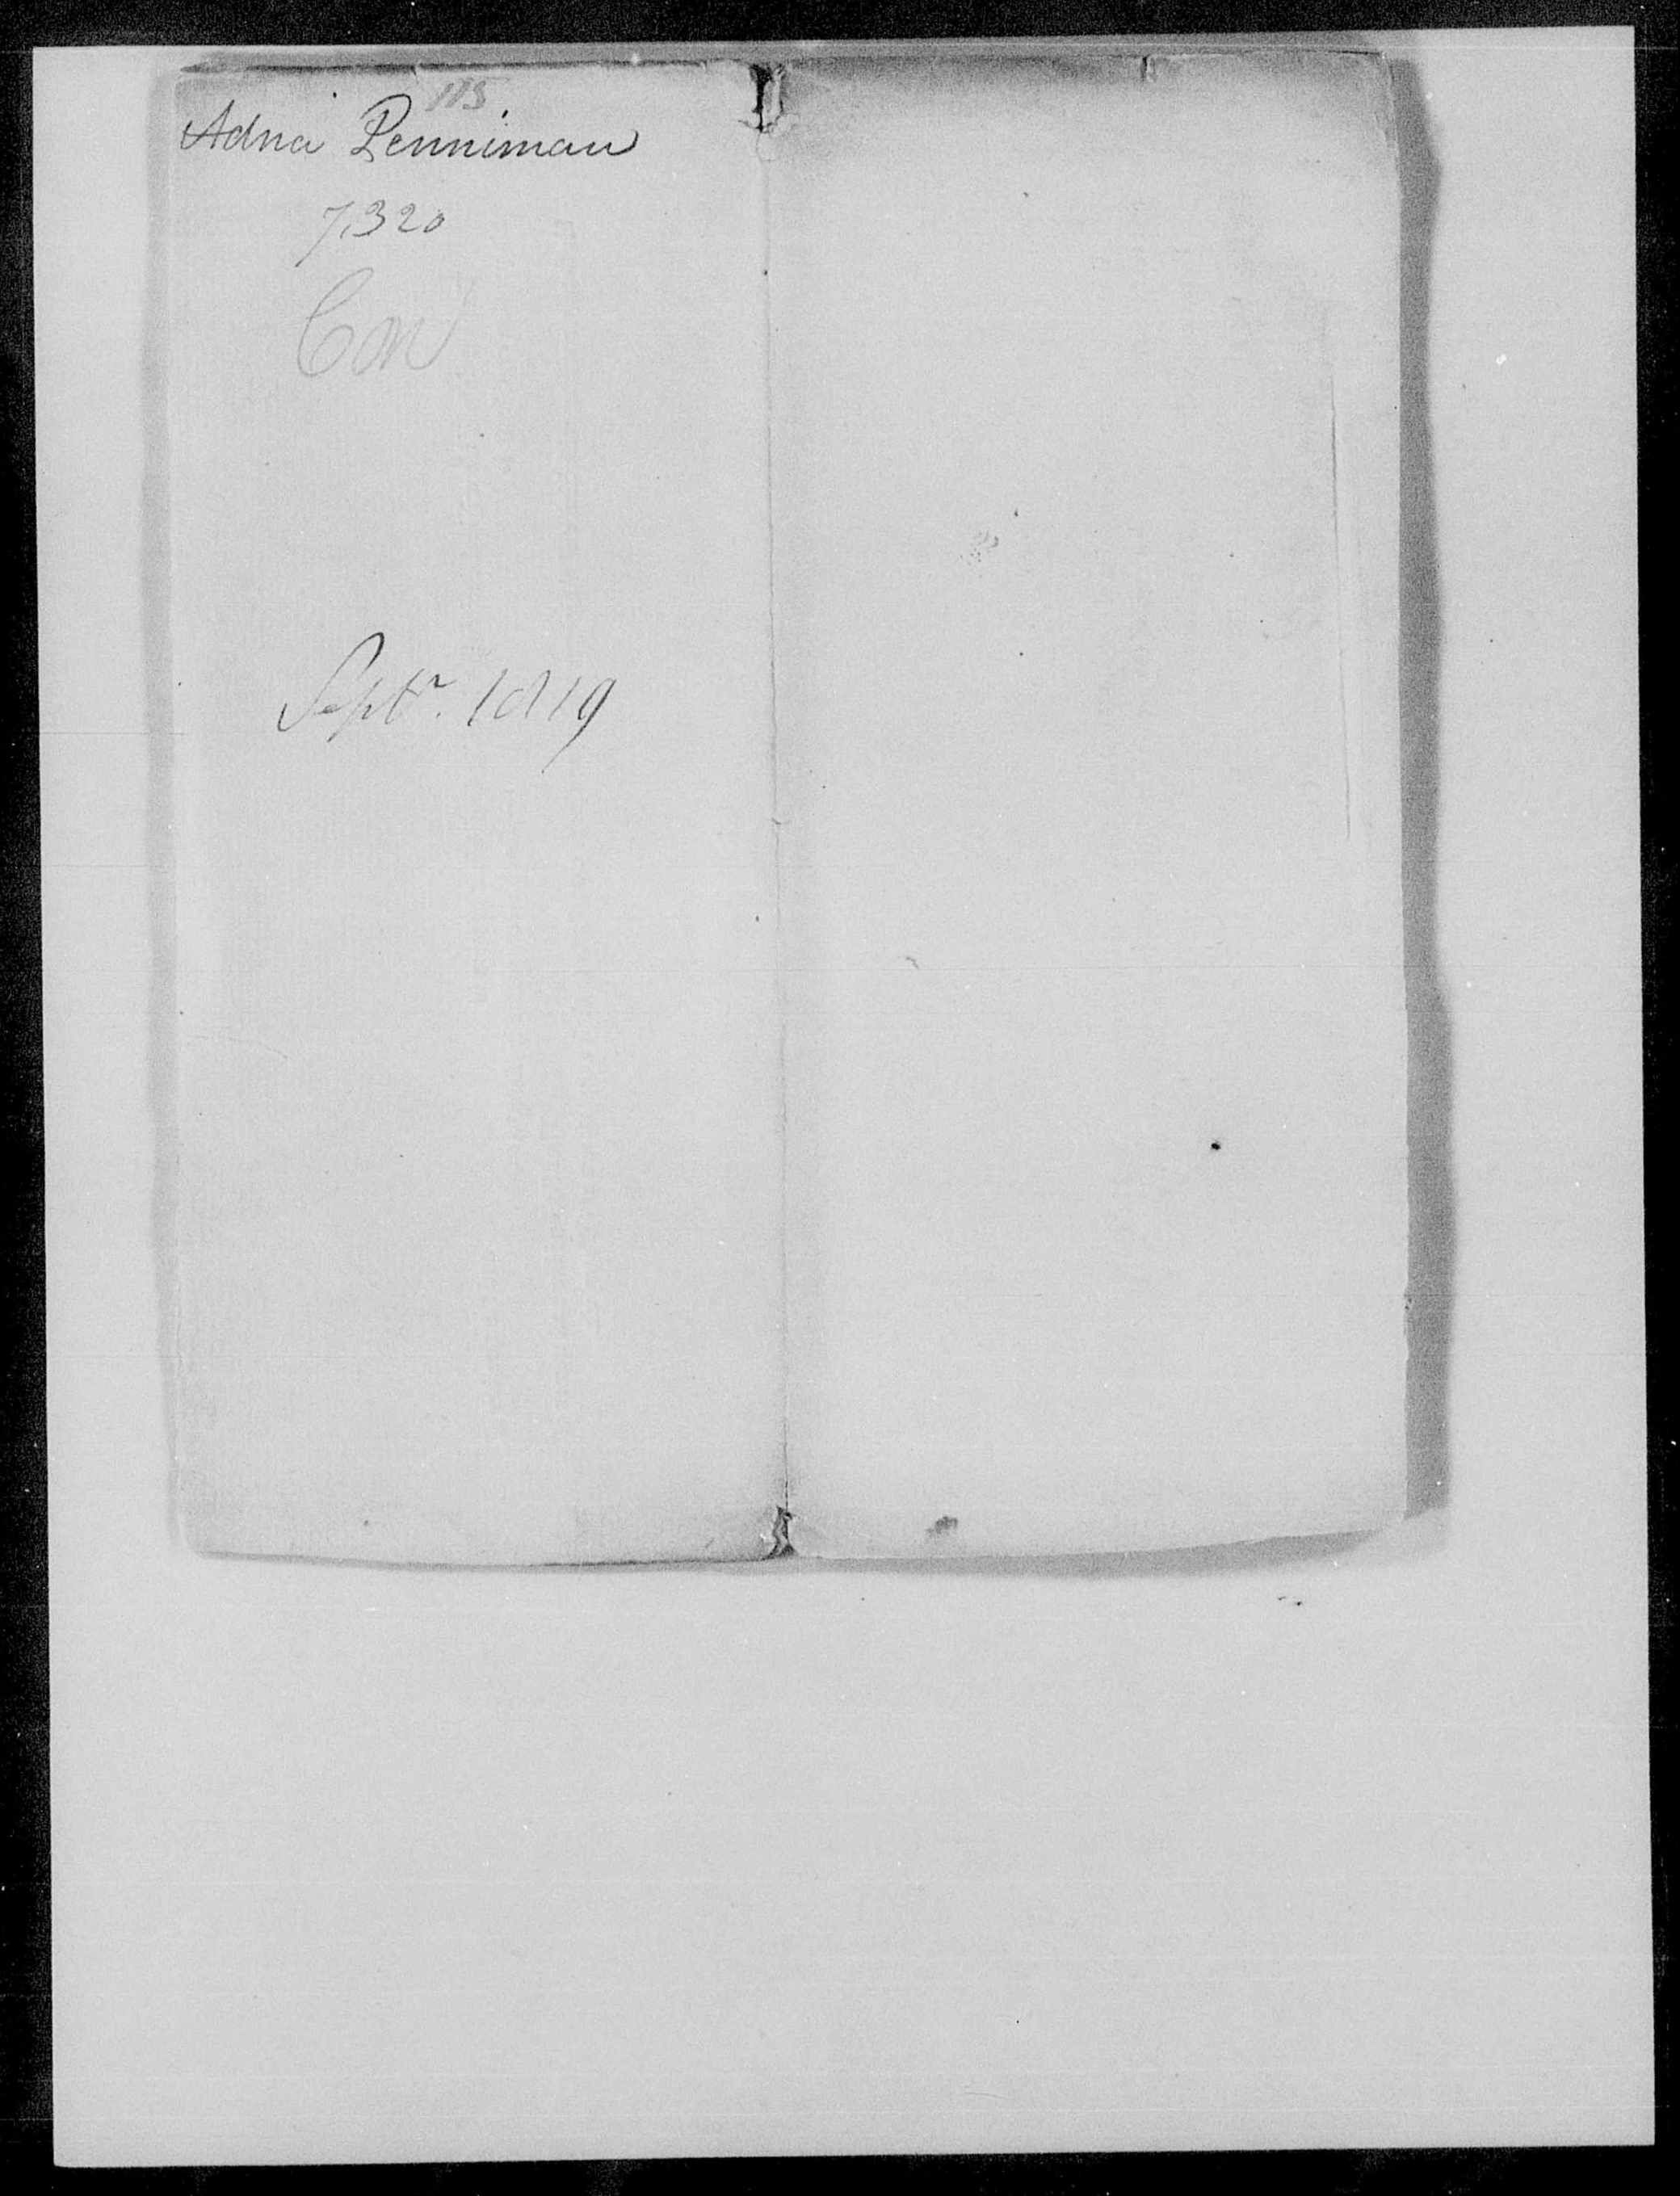115.
Adna Penniman
7,320
Con

Sept. 1819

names: Adna Penniman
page: 6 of 13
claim: survivor's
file: S. 45065, for Adna Penniman, Massachusetts